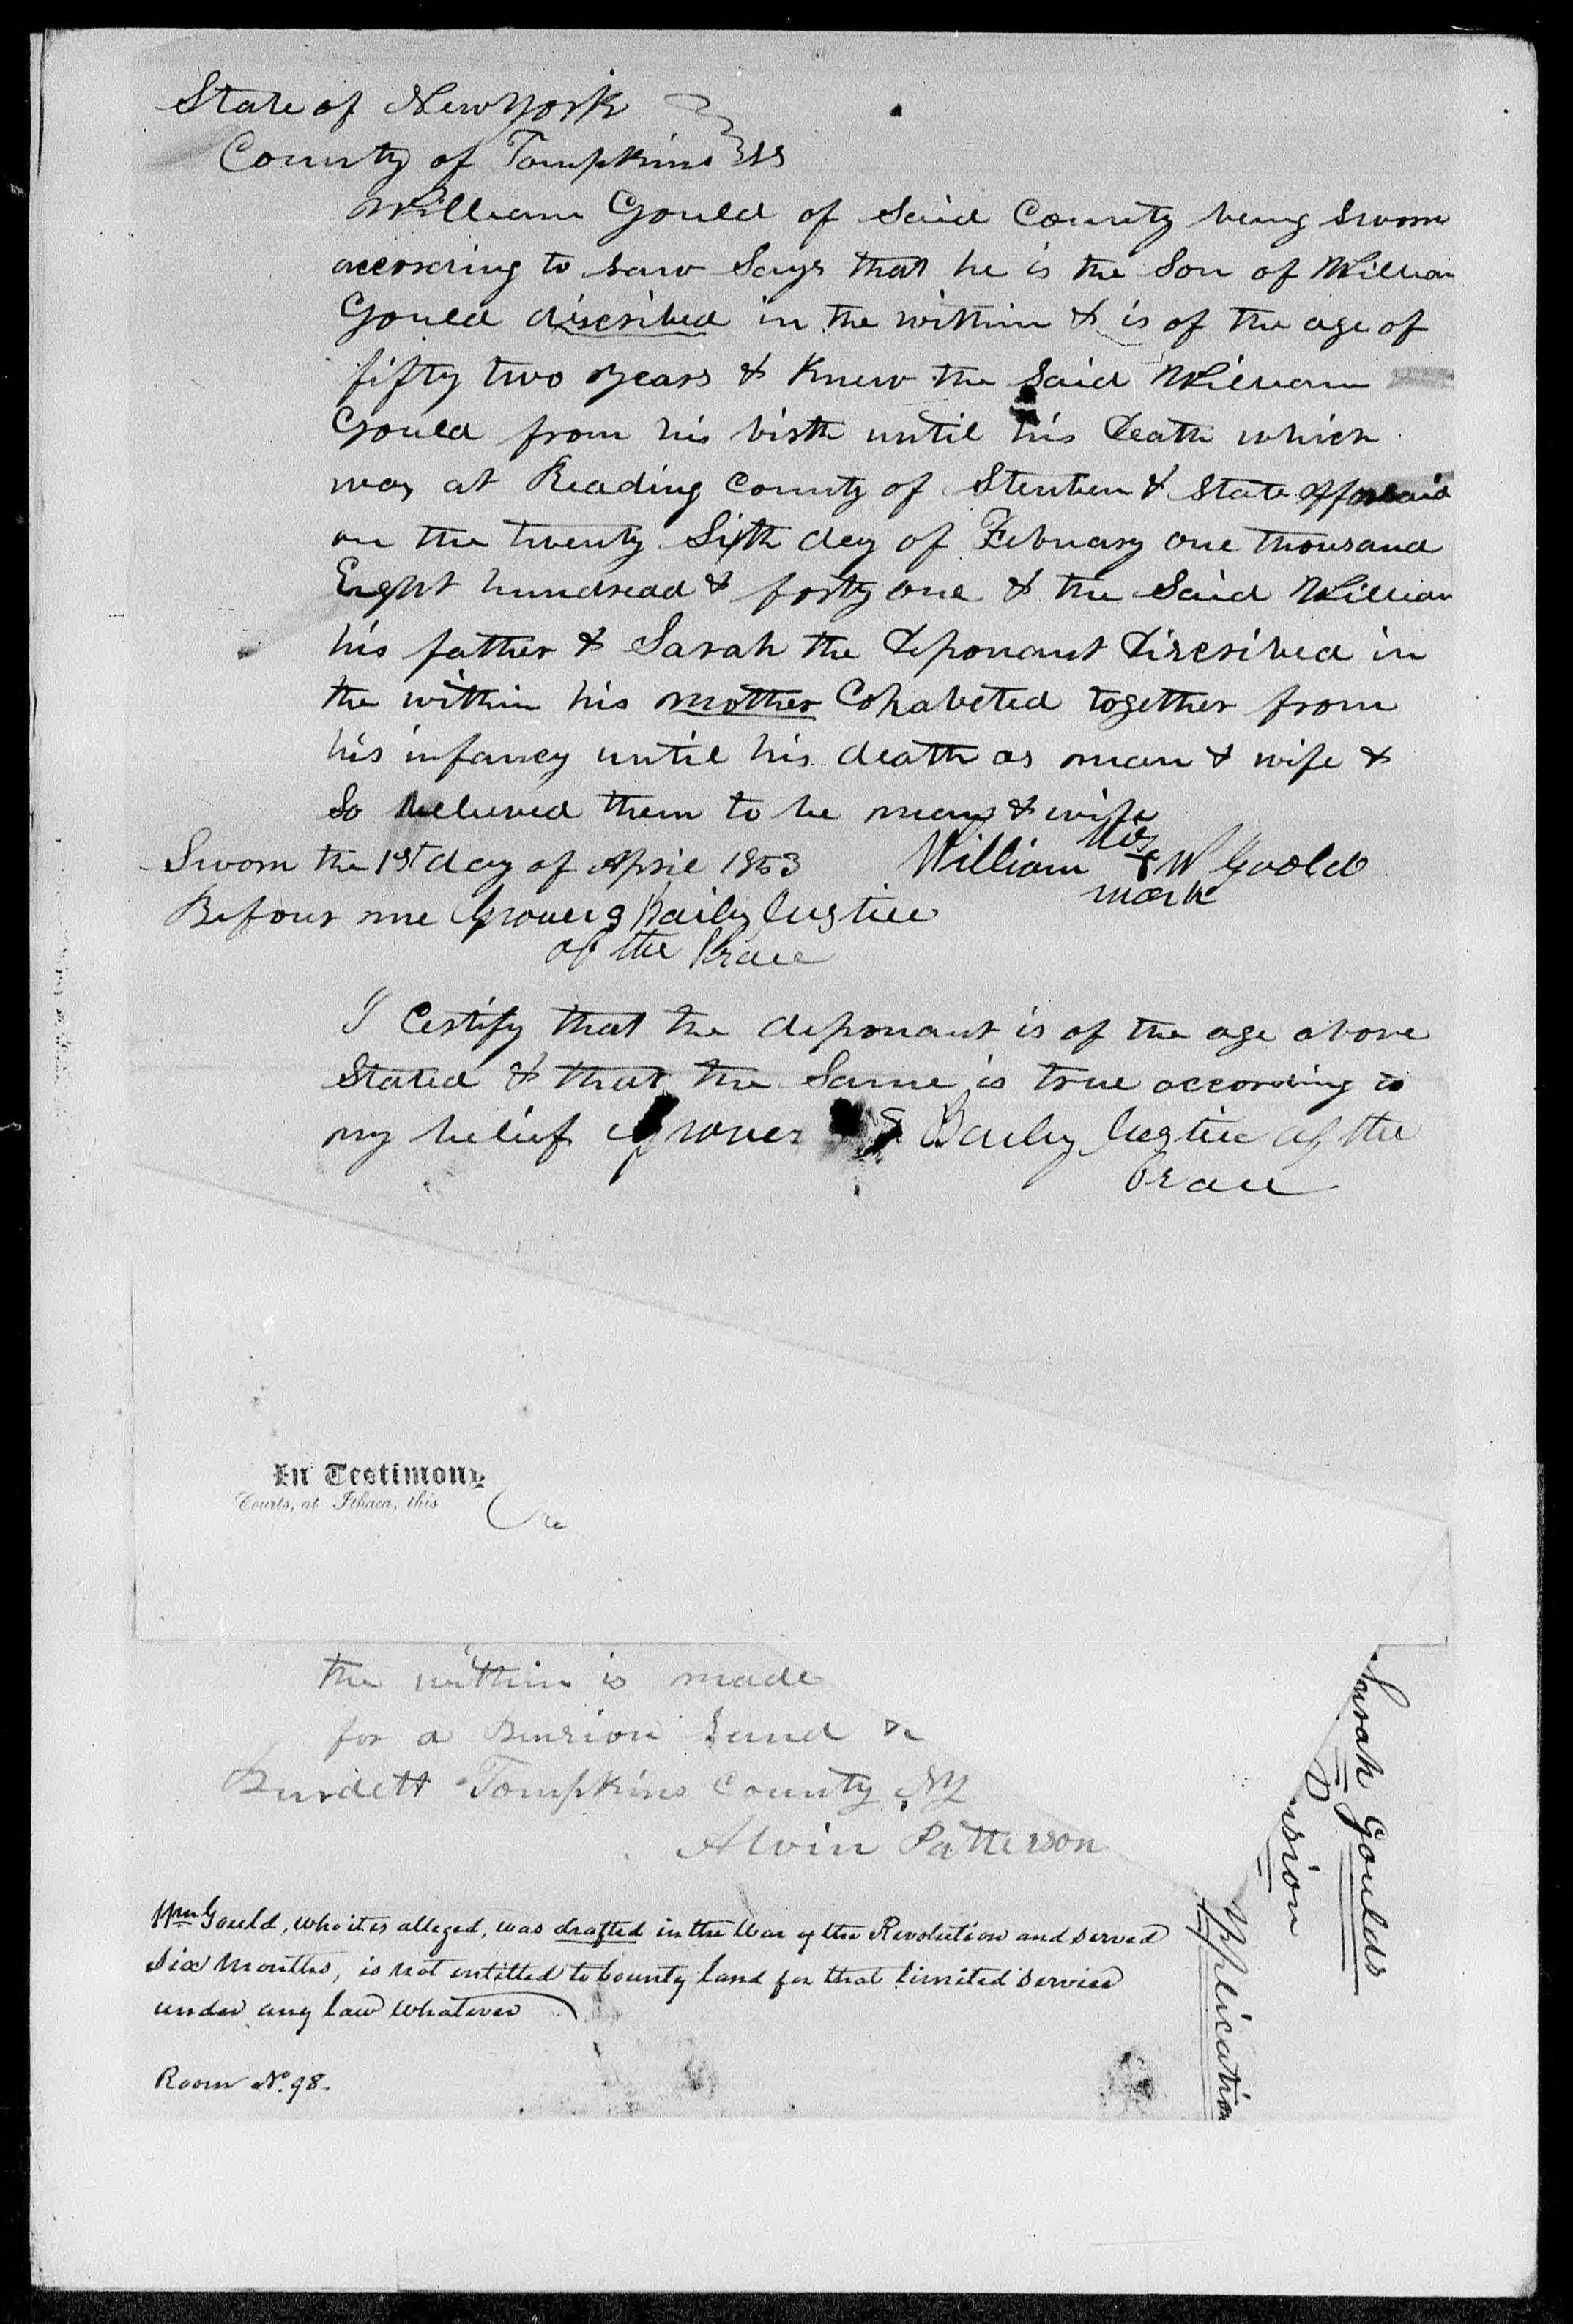State of New York
County of Tompkins

William Gould of Said County being sworn according to law Says that he is the Son of William Gould discribed in the within & is of the age of fifty two years & knew Said William Gould from his birth until his death which was at Reading County of Steuben & State aforesaid on the twenty Sixth day of February one thousand eight hundred & forty one & the Said William his father & Sarah the deponant discribed in the within his mother cohabitated together from his infance until his death as man & wife & so believed them to be man & wife

William W Gould [his mark]

Sworn the 1st day of April 1853 Before me Grover S Bailey Justice of the Peace

I certify that the deponant is of the age above stated & that the Same is true according to my belief Grover S Bailey Justice of the Peace

In Testimony [paper obscures this text]

Wm Gould, who it is alleged, was drafted in the War of the Revolution and served Six months, is not entitled to bounty land for that limited service under any law whatever

Room No. 98.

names: Sarah Gould, William, Wm Gould, William W Goold, William Gould, William Gould, Grover S Bailey, Alvin Patterson, Sarah, Grover S Bailey, William Gould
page: 19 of 20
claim: rejected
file: R. 4,161, William Gould, New York